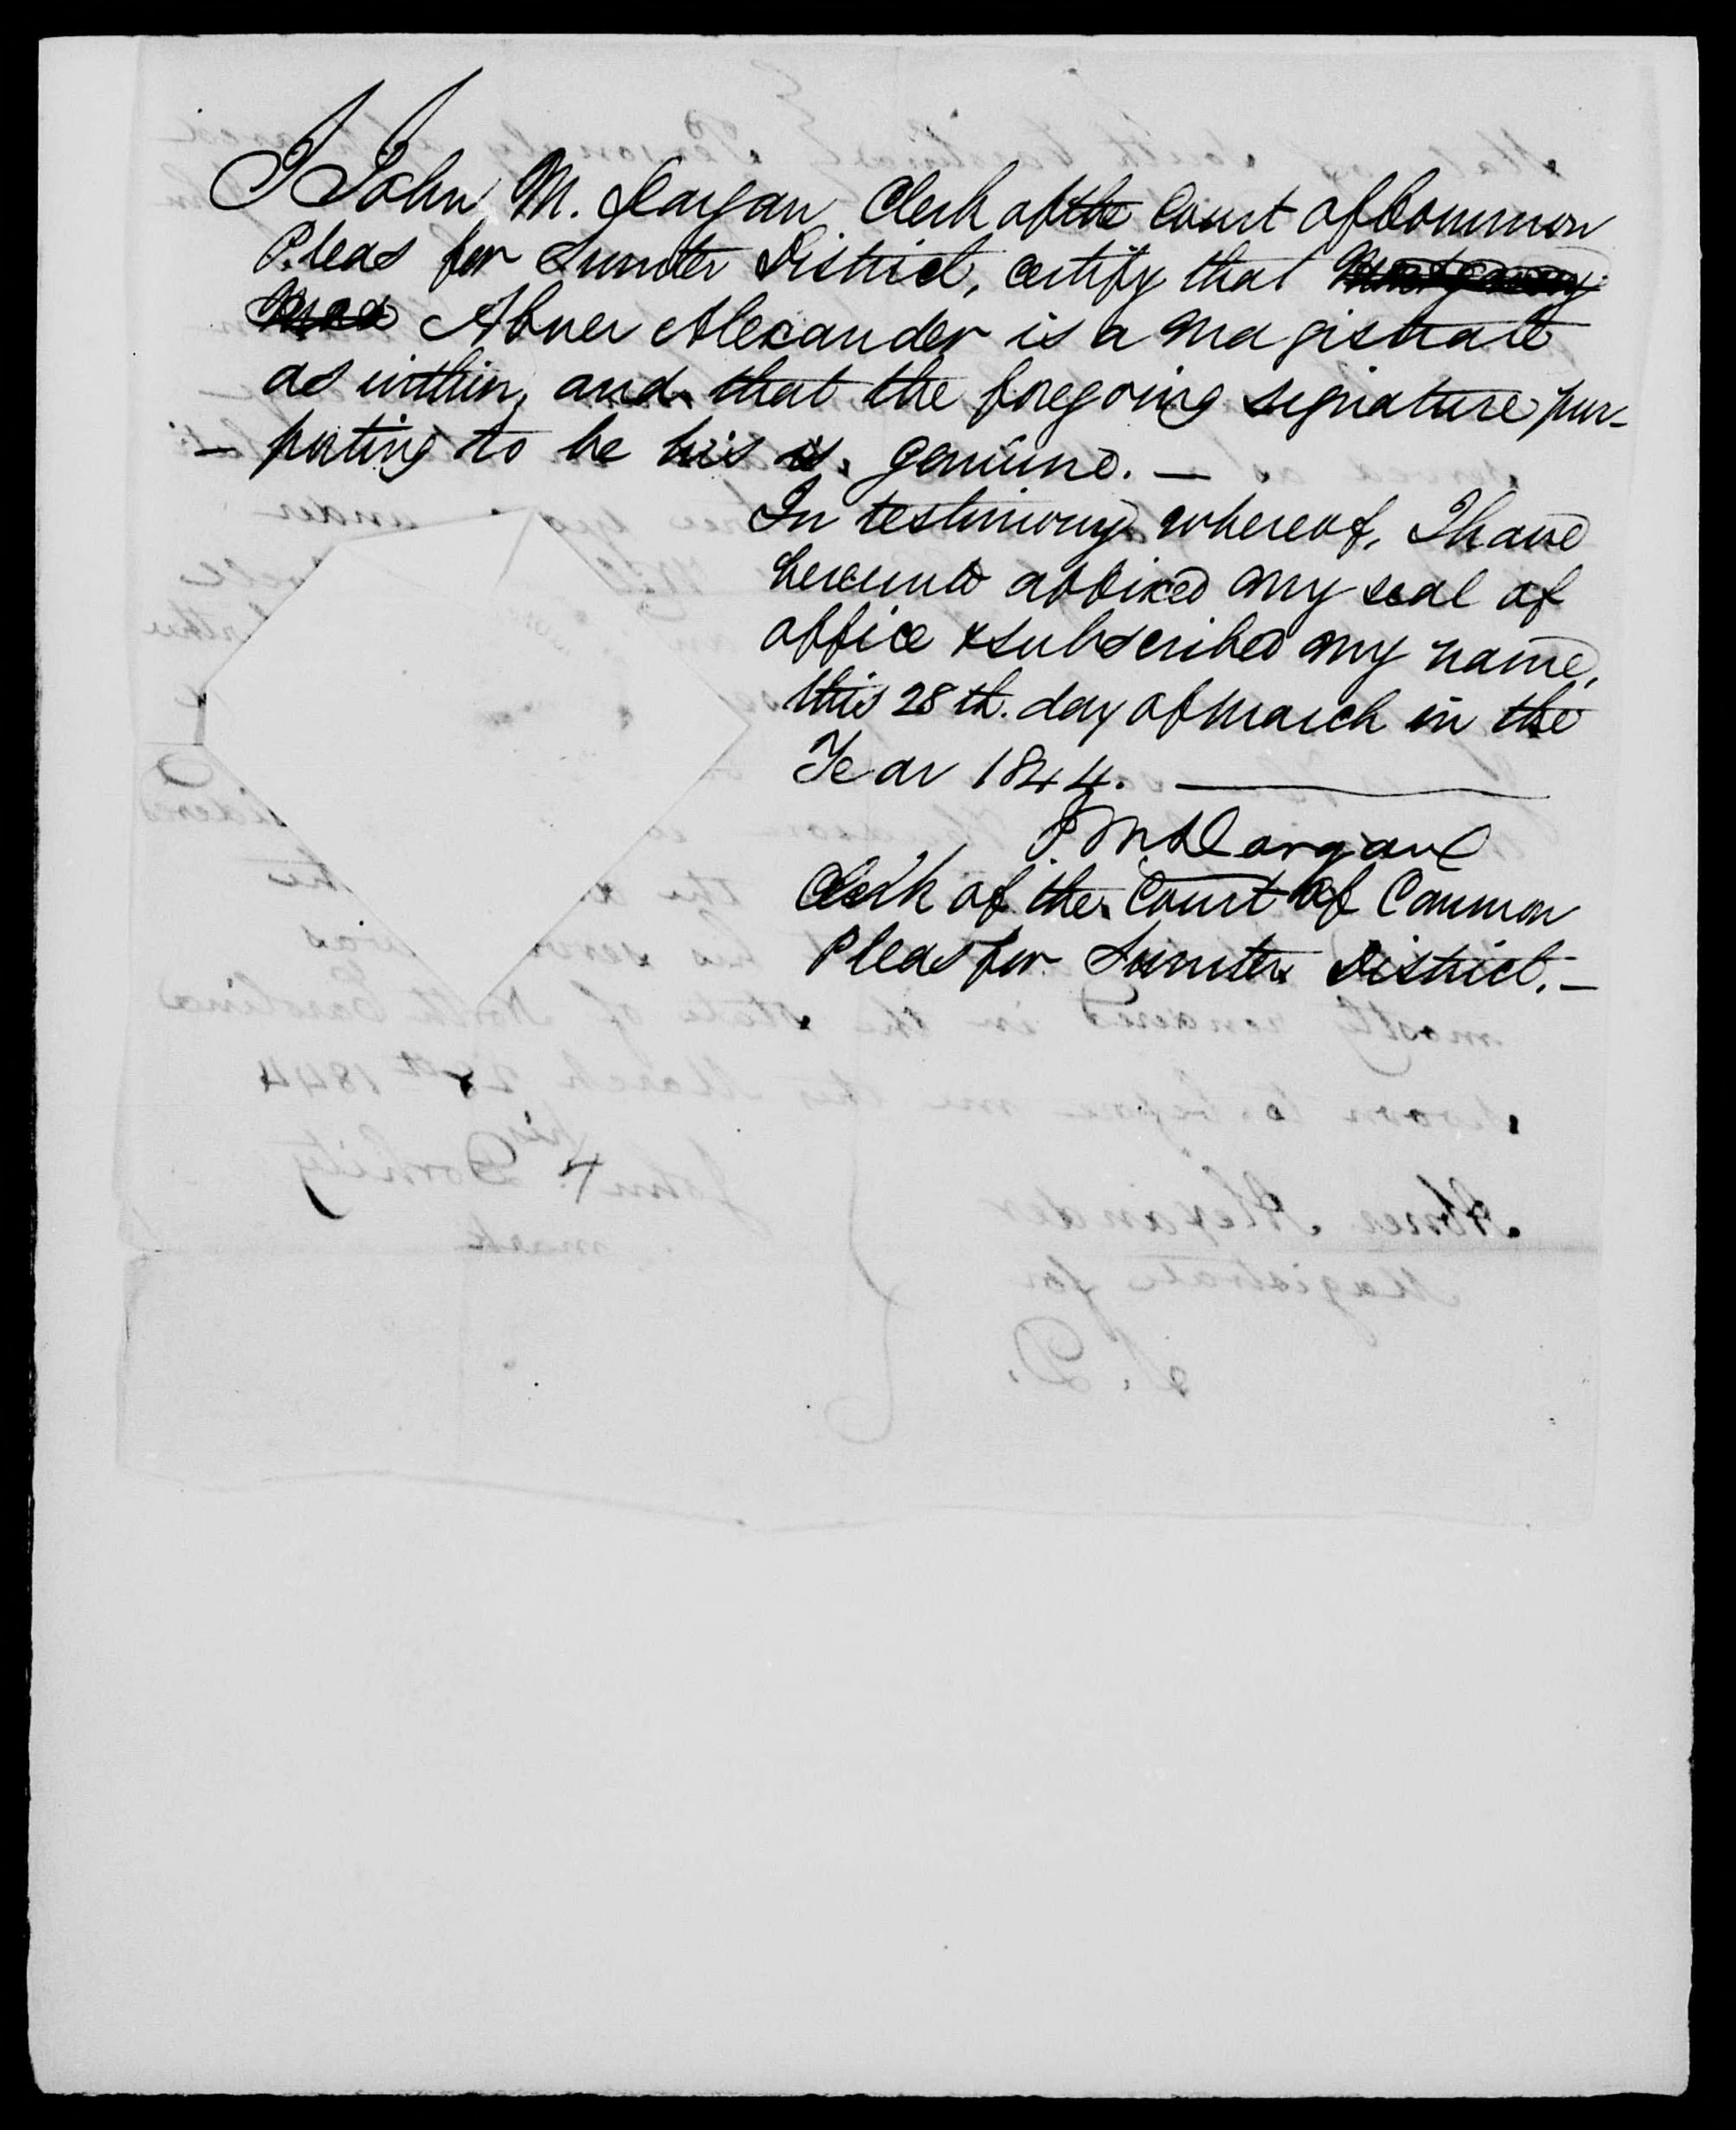I John M. Darfan Clerk of the Court of Common Pleas for Sumter District, certify that [strikeout] Abner Alexander is a magistrate as within, and that the foregoing signature purporting to be his genuine.
In testimony whereof, I have hereunto affixed my seal of office + subscribed my name, this 28th day of March in the Year 1844.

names: John M Dargan, Abner Alexander, J M Dargan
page: 17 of 33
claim: rejected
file: R. 5334, James Hudson, N.C.